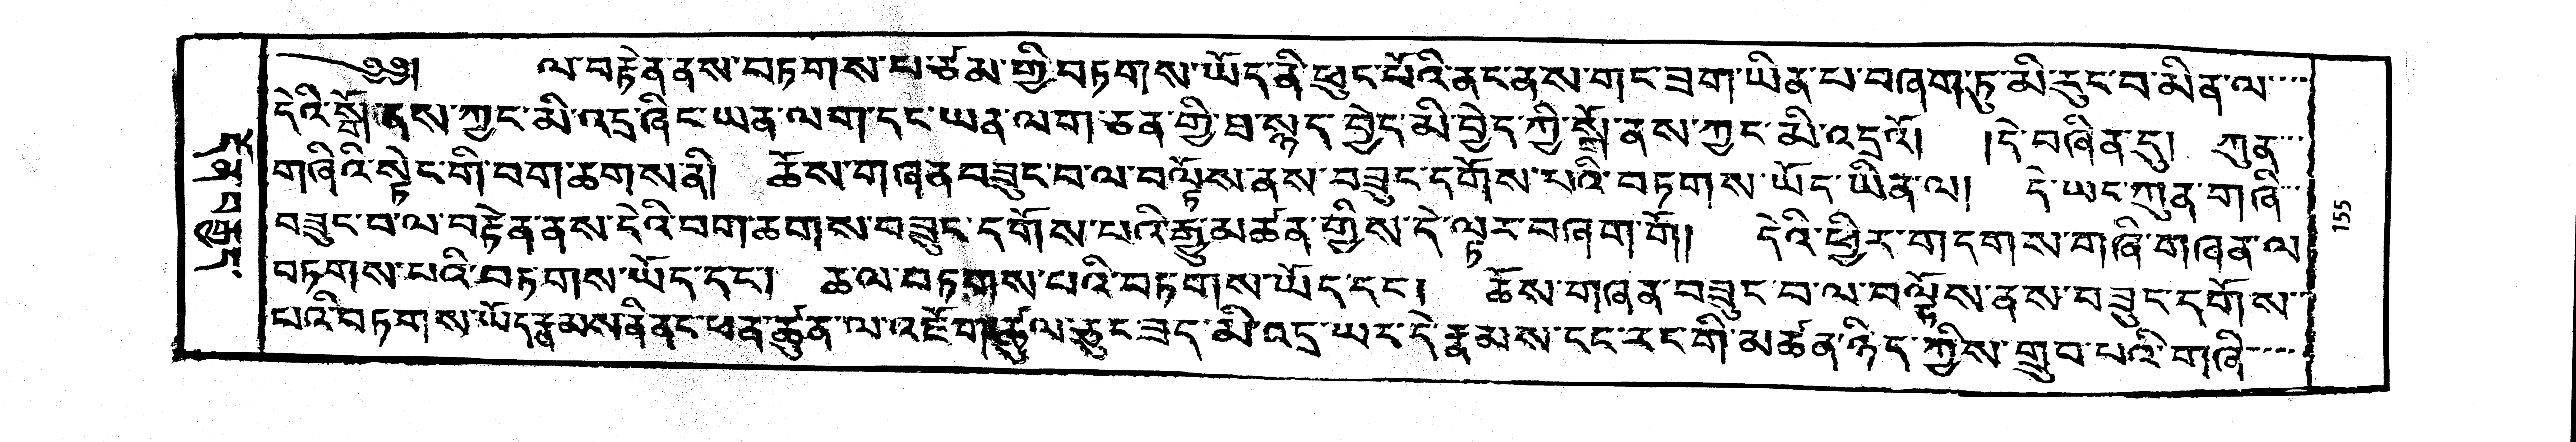༄༅། །ལ་བརྟེན་ནས་བཏགས་པ་ཙམ་གྱི་བཏགས་ཡོད་ནི་ཕུང་པོའི་ནང་ནས་གང་ཟག་ཡིན་པ་བཞག་ཏུ་མི་རུང་བ་མིན་ལ་
དེའི་སྒོ་ནས་ཀྱང་མི་འདྲ་ཞིང་ཡན་ལག་དང་ཡན་ལག་ཅན་གྱི་ཐ་སྙད་བྱེད་མི་བྱེད་ཀྱི་སྒོ་ནས་ཀྱང་མི་འདྲའོ། །དེ་བཞིན་དུ། ཀུན་
གཞིའི་སྟེང་གི་བག་ཆགས་ནི། ཆོས་གཞན་བཟུང་བ་ལ་བལྟོས་ནས་བཟུང་དགོས་པའི་བཏགས་ཡོད་ཡིན་ལ། དེ་ཡང་ཀུན་གཞི་
བཟུང་བ་ལ་བརྟེན་ནས་དེའི་བག་ཆགས་བཟུང་དགོས་པའི་རྒྱུ་མཚན་གྱིས་དེ་ལྟར་བཞག་གོ །དེའི་ཕྱིར་གདགས་གཞི་གཞན་ལ་
བཏགས་པའི་བཏགས་ཡོད་དང་། ཆ་ལ་བཏགས་པའི་བཏགས་ཡོད་དང་། ཆོས་གཞན་བཟུང་བ་ལ་བལྟོས་ནས་བཟུང་དགོས་
པའི་བཏགས་ཡོད་རྣམས་ནི་ནང་ཕན་ཚུན་ལ་འཇོག་ཚུལ་ཅུང་ཟད་མི་འདྲ་ཡང་དེ་རྣམས་དང་རང་གི་མཚན་ཉིད་ཀྱིས་གྲུབ་པའི་གཞི་